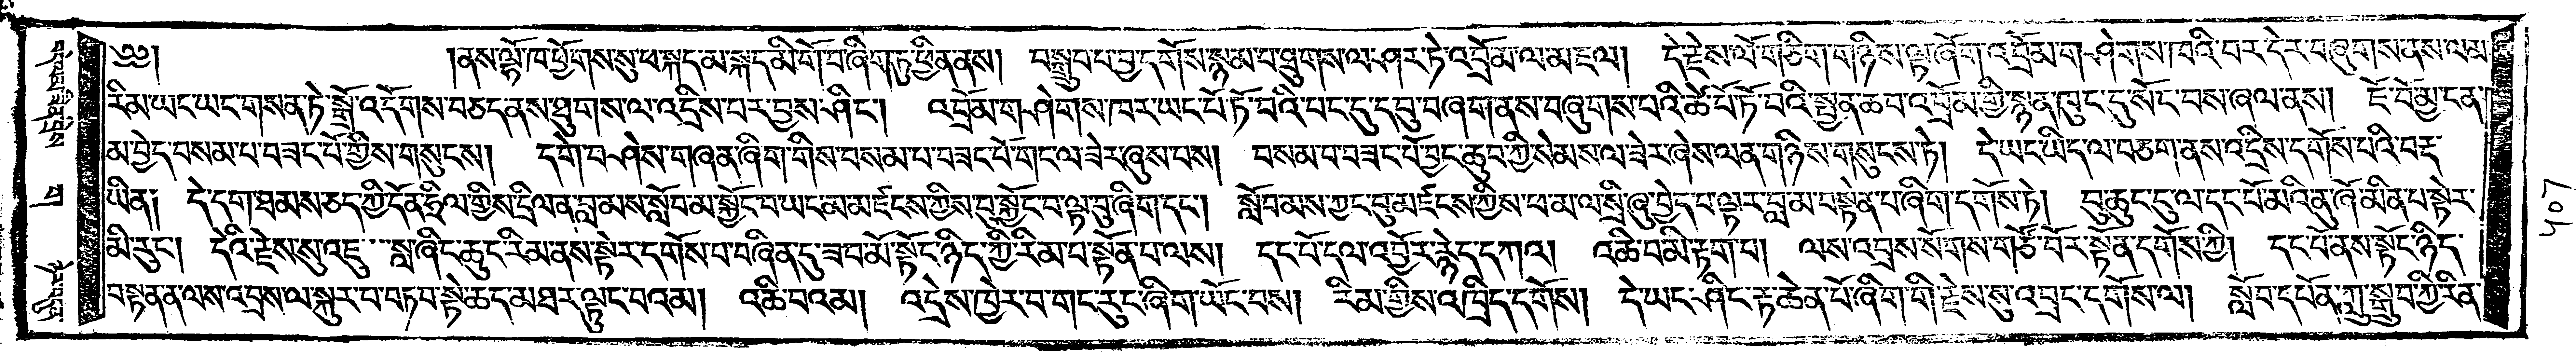༄༅། །ནས་ལྷོ་ཁ་ཕྱོགས་སུ་ཕ་སྐད་མ་སྐད་མི་གོ་བ་ཞིག་ཏུ་ཕྱིན་ནས། བསྒྲུབ་པ་བྱ་དགོས་སྙམ་པ་ཐུགས་ལ་ཤར་ཏེ་འབྲོམ་ལ་མཇལ། དེ་རྗེས་ལོ་གཅིག་གཉིས་ལྟ་ཞོག་འབྲོམ་གཤེགས་ཁའི་བར་དེར་བཞུགས་ནས་ལམ་
རིམ་ཡང་ཡང་གསན་ཏེ་སྒྲོ་འདོགས་བཅད་ནས་ཐུགས་ལ་འདྲིས་པར་བྱས་ཤིང་། འབྲོམ་གཤེགས་ཁར་ཡང་པོ་ཏོ་བའི་པང་དུ་དབུ་བཞག་ནས་བཞུགས་པའི་ཚེ་པོ་ཏོ་བའི་སྤྱན་ཆབ་འབྲོམ་གྱི་སྙན་ཁུང་དུ་སོང་བས་ཞལ་ནས། ཇོ་བོ་མྱ་ངན་
མ་བྱེད་བསམ་པ་བཟང་པོ་གྱིས་གསུངས། དགེ་བཤེས་གཞན་ཞིག་གིས་བསམ་པ་བཟང་པོ་གང་ལ་ཟེར་ཞུས་པས། བསམ་པ་བཟང་པོ་བྱང་ཆུབ་ཀྱི་སེམས་ལ་ཟེར་ཞེས་ལན་གཉིས་གསུངས་ཏེ། དེ་ཡང་ཡིད་ལ་བཅག་ནས་འདྲིས་དགོས་པའི་བརྡ་
ཡིན༑ དེ་དག་ཐམས་ཅད་ཀྱི་དོན་ཧྲིལ་གྱིས་དྲི་ལན་བླ་མས་སློབ་མ་སྐྱོང་བ་ཡང་མ་མཛངས་ཀྱིས་བསྐྱོང་བ་ལྟ་བུ་ཞིག་དང་། སློབ་མས་ཀྱང་བུ་མཛངས་ཀྱིས་ཕ་མ་ལ་སྲི་ཞུ་བྱེད་བ་ལྟར་བླ་མ་བསྟེན་པ་ཞིག་དགོས་ཏེ། བུ་ཆུང་དུ་ལ་དང་པོ་མའི་ནུ་ཞོ་མིན་པ་སྟེར་
མི་རུང་། དེའི་རྗེས་སུ་འཇུ་སླ་ཞིང་ཆུང་རིམ་ནས་སྟེར་དགོས་པ་བཞིན་དུ་ཟབ་མོ་སྟོང་ཉིད་ཀྱི་རིམ་པ་སྟོན་པ་ལས། དང་པོ་དལ་འབྱོར་རྙེད་དཀའ། འཆི་བ་མི་རྟག་པ། ལས་འབྲས་སོགས་གཙོ་བོར་སྟོན་དགོས་ཀྱི། དང་པོ་ནས་སྟོང་ཉིད་
བསྟན་ན་ལས་འབྲས་ལ་སྐུར་པ་བཏབ་སྟེ་ཆད་མཐར་ལྟུང་བའམ། འཆི་བའམ། འདྲེས་ཁྱེར་པ་གང་རུང་ཞིག་ཡོང་པས། རིམ་གྱིས་འཁྲིད་དགོས། དེ་ཡང་ཤིང་རྟ་ཆེན་པོ་ཞིག་གི་རྗེས་སུ་འབྲང་དགོས་ལ། སློབ་དཔོན་ཀླུ་སྒྲུབ་ཀྱི་རིན་